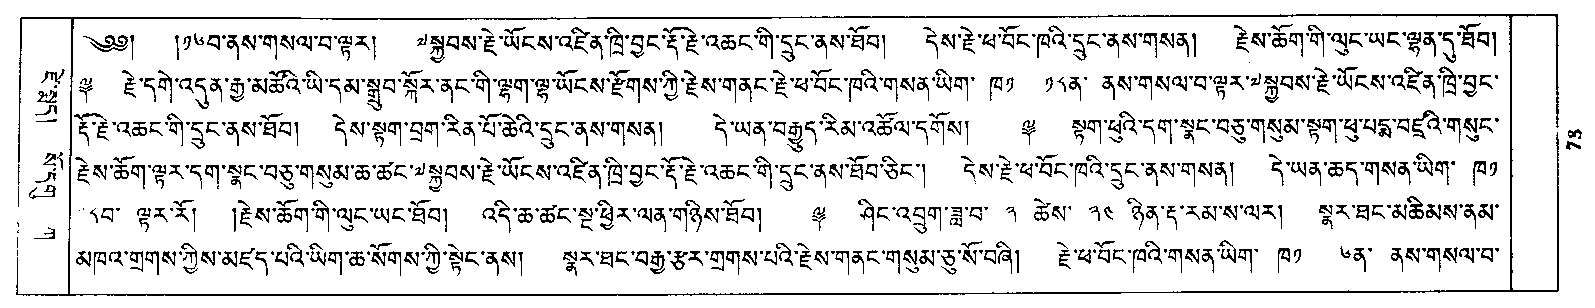༄༅། །༡༦་བ་ནས་གསལ་བ་ལྟར། ༧་སྐྱབས་རྗེ་ཡོངས་འཛིན་ཁྲི་བྱང་རྡོ་རྗེ་འཆང་གི་དྲུང་ནས་ཐོབ། དེས་རྗེ་ཕ་བོང་ཁའི་དྲུང་ནས་གསན། རྗེས་ཆོག་གི་ལུང་ཡང་ལྷན་དུ་ཐོབ།
༈ རྗེ་དགེ་འདུན་རྒྱ་མཚོའི་ཡི་དམ་སྒྲུབ་སྐོར་ནང་གི་ལྷག་ལྷ་ཡོངས་རྫོགས་ཀྱི་རྗེས་གནང་རྗེ་ཕ་བོང་ཁའི་གསན་ཡིག་ཁ ༡ ༡༨་ན་ནས་གསལ་བ་ལྟར་༧་སྐྱབས་རྗེ་ཡོངས་འཛིན་ཁྲི་བྱང་
རྡོ་རྗེ་འཆང་གི་དྲུང་ནས་ཐོབ། དེས་སྟག་བྲག་རིན་པོ་ཆེའི་དྲུང་ནས་གསན། དེ་ཡན་བརྒྱུད་རིམ་འཚོལ་དགོས། ༈ སྟག་ཕུའི་དག་སྣང་བཅུ་གསུམ་སྟག་ཕུ་པདམ་བཛྲའི་གསུང་
རྗེས་ཆོག་ལྟར་དག་སྣང་བཅུ་གསུམ་ཆ་ཚང་༧་སྐྱབས་རྗེ་ཡོངས་འཛིན་ཁྲི་བྱང་རྡོ་རྗེ་འཆང་གི་དྲུང་ནས་ཐོབ་ཅིང་། དེས་རྗེ་ཕ་བོང་ཁའི་དྲུང་ནས་གསན། དེ་ཡན་ཆད་གསན་ཡིག་ཁ ༡
༡༨་བ་ལྟར་རོ། །རྗེས་ཆོག་གི་ལུང་ཡང་ཐོབ། འདི་ཆ་ཚང་སྔ་ཕྱིར་ལན་གཉིས་ཐོབ། ༈ ཤིང་འབྲུག་ཟླ་བ ༢་ཚེས ༢༤་ཉིན་རྡ་རམ་ས་ལར། སྣར་ཐང་མཆིམས་ནམ་
མཁའ་གྲགས་ཀྱིས་མཛད་པའི་ཡིག་ཆ་སོགས་ཀྱི་སྟེང་ནས། སྣར་ཐང་བརྒྱ་རྩར་གྲགས་པའི་རྗེས་གནང་གསུམ་ཅུ་སོ་བཞི། རྗེ་ཕ་བོང་ཁའི་གསན་ཡིག་ཁ ༡ ༦་ན་ནས་གསལ་བ་